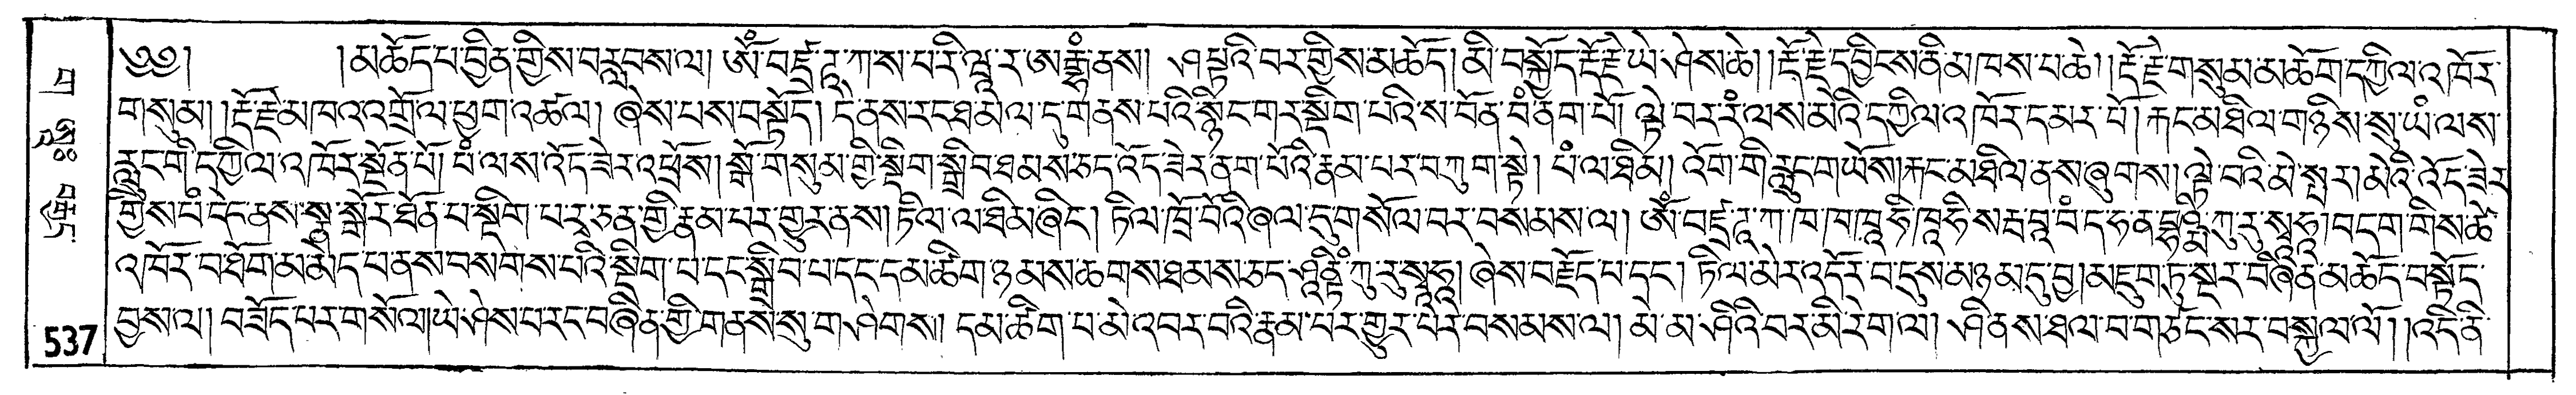༄༅། །མཆོད་པ་བྱིན་གྱིས་བརླབས་ལ། ཨོཾ་བཛྲ་ཌཱ་ཀ་ས་པ་རི་ཝཱ་ར་ཨརྒྷཾ་ནས། ཤཔྟའི་བར་གྱིས་མཆོད། མི་བསྐྱོད་རྡོ་རྗེ་ཡེ་ཤེས་ཆེ། །རྡོ་རྗེ་དབྱིངས་ནི་མཁས་པ་ཆེ། །རྡོ་རྗེ་གསུམ་མཆོག་དཀྱིལ་འཁོར་
གསུམ། །རྡོ་རྗེ་མཁའ་འགྲོ་ལ་ཕྱག་འཚལ། ཞེས་པས་བསྟོད། དེ་ནས་རང་ཐ་མལ་དུ་གནས་པའི་སྙིང་གར་སྡིག་པའི་ས་བོན་བཾ་ནག་པོ། ལྟེ་བར་རཾ་ལས་མེའི་དཀྱིལ་འཁོར་དམར་པོ། རྐང་མཐིལ་གཉིས་སུ་ཡཾ་ལས་
རླུང་གི་དཀྱིལ་འཁོར་སྔོན་པོ། པཾ་ལས་འོད་ཟེར་འཕྲོས། སྒོ་གསུམ་གྱི་སྡིག་སྒྲིབ་ཐམས་ཅད་འོད་ཟེར་ནག་པོའི་རྣམ་པར་བཀུག་སྟེ། པཾ་ལ་ཐིམ། འོག་གི་རླུང་གཡོས། རྐང་མཐིལ་ནས་ཞུགས། ལྟེ་བའི་མེ་སྤར། མེའི་འོད་ཟེར་
གྱིས་པཾ་དེང་ནས་སྣ་སྒོར་ཐོན་པ་སྡིག་པ་རྭ་ཅན་གྱི་རྣམ་པར་གྱུར་ནས། ཏིལ་ལ་ཐིམ་ཞིང་། ཏིལ་ཁྲོ་བོའི་ཞལ་དུ་གསོལ་བར་བསམས་ལ། ཨོཾ་བཛྲ་ཌཱ་ཀ་ཁ་ཁ་ཁཱ་ཧི་ཁཱ་ཧི་སརྦ་བཱ་བཾ་ད་ཧ་ན་བྷཥྨི་ཀུ་རུ་སྭཱཧཱ། བདག་གིས་ཚེ་
འཁོར་བ་ཐོག་མ་མེད་པ་ནས་བསགས་པའི་སྡིག་པ་དང་སྒྲིབ་པ་དང་དམ་ཚིག་ཉམས་ཆགས་ཐམས་ཅད་ཤཱནྟིཾ་ཀུ་རུ་སྭཱཧཱ། ཞེས་བརྗོད་པ་དང་། ཏིལ་མེར་འདོར་བ་དུས་མཉམ་དུ་བྱ། མཇུག་ཏུ་སྔར་བཞིན་མཆོད་བསྟོད་
བྱས་ལ། བཟོད་པར་གསོལ། ཡེ་ཤེས་པ་རང་བཞིན་གྱི་གནས་སུ་གཤེགས། དམ་ཚིག་པ་མེ་འབར་བའི་རྣམ་པར་གྱུར་པར་བསམས་ལ། མེ་མ་ཤིའི་བར་མི་རེག་ལ། ཤི་ནས་ཐལ་བ་གཙང་སར་བསྐྱལ་ལོ། །འདི་ནི་